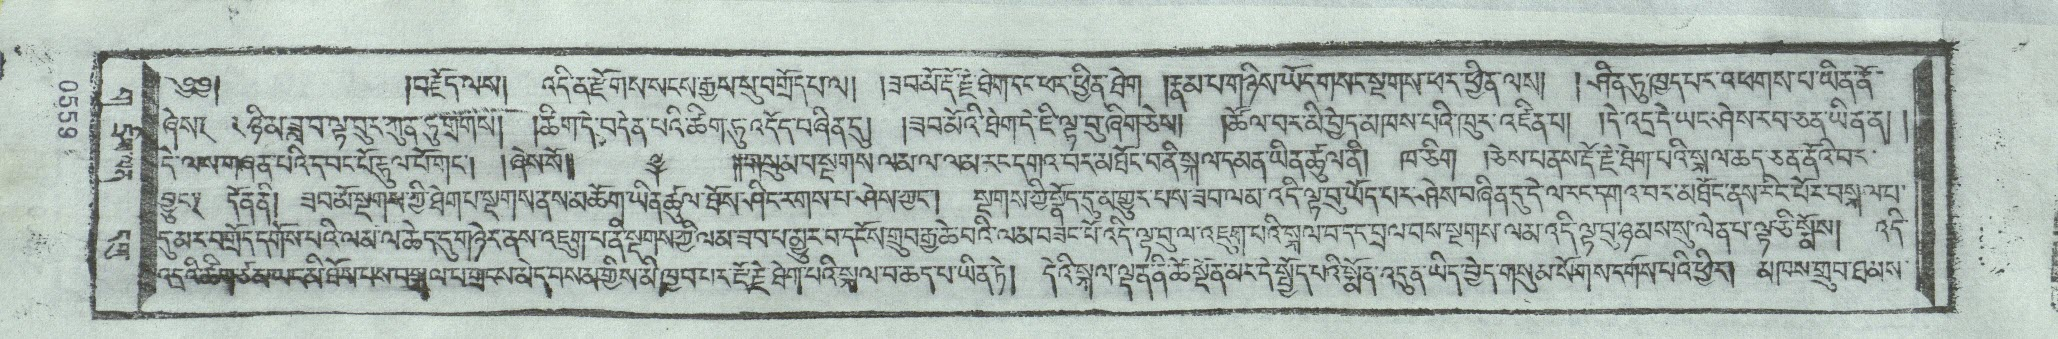༄༅། །བརྗོད་ལས། འདི་ན་རྫོགས་སངས་རྒྱས་སུ་བགྲོད་པ་ལ། །ཟབ་མོ་རྡོ་རྗེ་ཐེག་དང་ཕར་ཕྱིན་ཐེག །རྣམ་པ་གཉིས་ཡོད་གསང་སྔགས་ཕར་ཕྱིན་ལས། །ཤིན་ཏུ་ཁྱད་པར་འཕགས་པ་ཡིན་ནོ་
ཞེས༑ ༑ཉི་མ་ཟླ་བ་ལྟ་བུར་ཀུན་ཏུ་གྲགས། །ཚིག་དེ་བདེན་པའི་ཚིག་ཏུ་འདོད་བཞིན་དུ། །ཟབ་མོའི་ཐེག་དེ་ཇི་ལྟ་བུ་ཞིག་ཅེས། །ཚོལ་བར་མི་བྱེད་མཁས་པའི་ཁུར་འཛིན་པ། །དེ་འདྲ་དེ་ཡང་ཤེས་རབ་ཅན་ཡིན་ན། །
དེ་ལས་གཞན་པའི་དབང་པོ་རྟུལ་པོ་གང་། །ཞེས་སོ།། ༈ །།གསུམ་པ་སྔགས་ལམ་ལ་ལམ་རང་དགའ་བར་མཐོང་བ་ནི་སྐལ་དམན་ཡིན་ཚུལ་ནི། ཁ་ཅིག །ཅེས་པ་ནས་རྡོ་རྗེ་ཐེག་པའི་སྐལ་ཆད་ཅན་ནོའི་བར་
བྱུང༑ དོན་ནི། ཟབ་མོ་སྔགས་ཀྱི་ཐེག་པ་སྔགས་ནས་མཆོག་ཡིན་ཚུལ་ཐོས་ཤིང་རགས་པ་ཤེས་ཀྱང་། སྔགས་ཀྱི་སྣོད་དུ་མ་གྱུར་པས་ཟབ་ལམ་འདི་ལྟ་བུ་ཡོད་པར་ཤེས་བཞིན་དུ་དེ་ལ་རང་དགའ་བར་མཐོང་ནས་རིང་པོར་བསྐལ་པ་
དུ་མར་བགྲོད་དགོས་པའི་ལམ་ལ་ཆེད་དུ་གཉེར་ནས་འཇུག་པ་ནི་སྔགས་ཀྱི་ལམ་ཟབ་པ་མྱུར་བ་དངོས་གྲུབ་རྒྱ་ཆེ་བའི་ལམ་བཟང་པོ་འདི་ལྟ་བུ་ལ་འཇུག་པའི་སྐལ་བ་དང་བྲལ་བས་སྔགས་ལམ་འདི་ལྟ་བུ་ཉམས་སུ་ལེན་པ་ལྟ་ཅི་སྨོས། འདི་
འདྲའི་ཚིག་ཙམ་ཡང་མི་ཐོས་པས་བསྐལ་པ་གྲངས་མེད་བསམ་གྱིས་མི་ཁྱབ་པར་རྡོ་རྗེ་ཐེག་པའི་སྐལ་པ་ཆད་པ་ཡིན་ཏེ། དེའི་སྐལ་ལྡན་ནི་ཚེ་སྔོན་མར་དེ་སྤྱོད་པའི་སྨོན་འདུན་ཡིད་བྱེད་གསུམ་སོགས་དགོས་པའི་ཕྱིར། མཁས་གྲུབ་ཐམས་